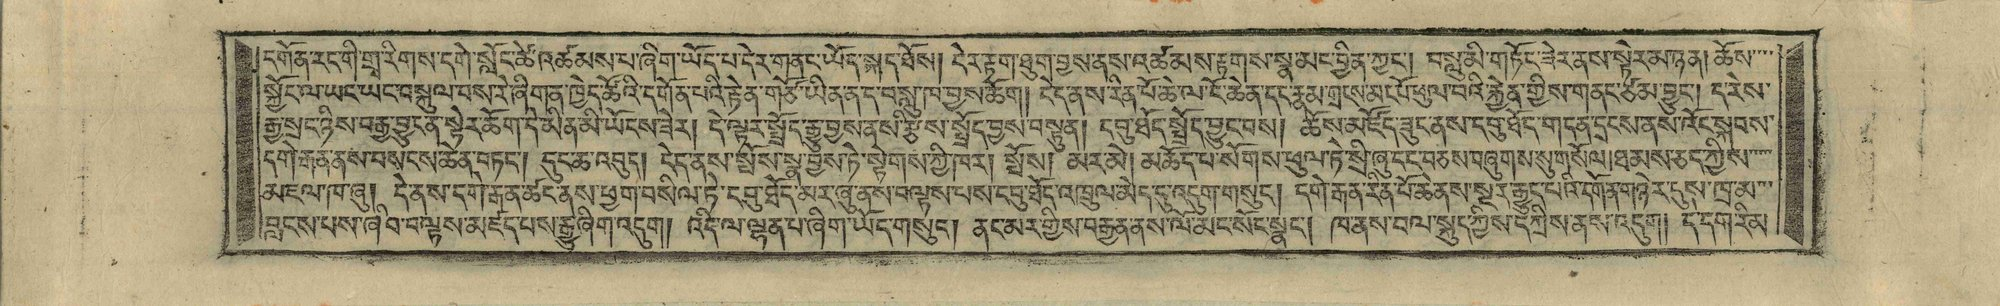དགོན་རང་གི་གྲྭ་རིགས་དགེ་སློང་ཚེ་འཚམས་པ་ཞིག་ཡོད་པ་དེར་གནང་ཡོད་སྐད་ཐོས། དེར་རྟག་ཐུག་བྱས་ནས་འཚམས་རྟགས་སྣ་མང་བྱིན་ཀྱང་། བསླུ་མི་གཏོང་ཟེར་ནས་སྟེར་མ་ཉན། ཆོས་
སྐྱོང་ལ་ཡང་ཡང་བསྐུལ་བས་རེ་ཞིག་ན་ཁྱེད་ཚོའི་དགོན་པའི་རྟེན་གཙོ་ཡིན་ན་ད་བསླུ་ཁ་བྱས་ཆོག །ངེད་ནས་རིན་པོ་ཆེ་ལ་ངོ་ཆེན་དང་རྣམ་གྲངས་མང་པོ་ཕུལ་བའི་རྐྱེན་གྱིས་གནང་ཙམ་བྱུང་། ད་རེས་
རྒྱ་སྲང་ཉིས་བརྒྱ་བྱུང་ན་སྟེར་ཆོག་དེ་མིན་མི་ཡོངས་ཟེར། དེ་ལྟར་སྤྲོད་རྒྱུ་བྱས་ནས་རྩིས་སྤྲོད་བྱས་བསྟུན། དབུ་ཐོད་སྤྲོད་བྱུང་བས། ཆོས་མཛོད་ཟུང་ནས་དབུ་ཐོད་གདན་དྲངས་ནས་འོང་སྐབས་
དགེ་རྒན་ནས་བསངས་ཆེན་བཏང་། དུང་ཆ་འབུད། ངེད་ནས་སྤོས་སྣ་བྱས་ཏེ་སྟེགས་ཀྱི་ཁར། སྤོས། མར་མེ། མཆོད་པ་སོགས་ཕུལ་ཏེ་སྲི་ཞུ་དང་བཅས་བཞུགས་སུ་གསོལ། ཐམས་ཅད་ཀྱིས་
མཇལ་ཁ་ཞུ། དེ་ནས་དགེ་རྒན་ཚང་ནས་ཕྱག་བསིལ་ཏེ་དབུ་ཐོད་མར་ཞུ་ནས་བལྟས་པས་དབུ་ཐོད་འཁྲུལ་མེད་དུ་འདུག་གསུང་། དགེ་རྒན་རིན་པོ་ཆེ་ནས་སྔར་རྒྱུད་པའི་དགོན་གཉེར་དུས་ཁྲམ་
བླངས་པས་ཞིབ་བལྟས་མཛད་པས་རྒྱུ་ཞིག་འདུག །འདི་ལ་ལྷན་པ་ཞིག་ཡོད་གསུང་། ནང་མར་གྱིས་བརྒྱན་ནས་ལོ་མང་སོང་སྣང་། ཁ་ནས་བལ་སྐུད་ཀྱིས་དཀྲིས་ནས་འདུག །དེ་དག་རིམ་